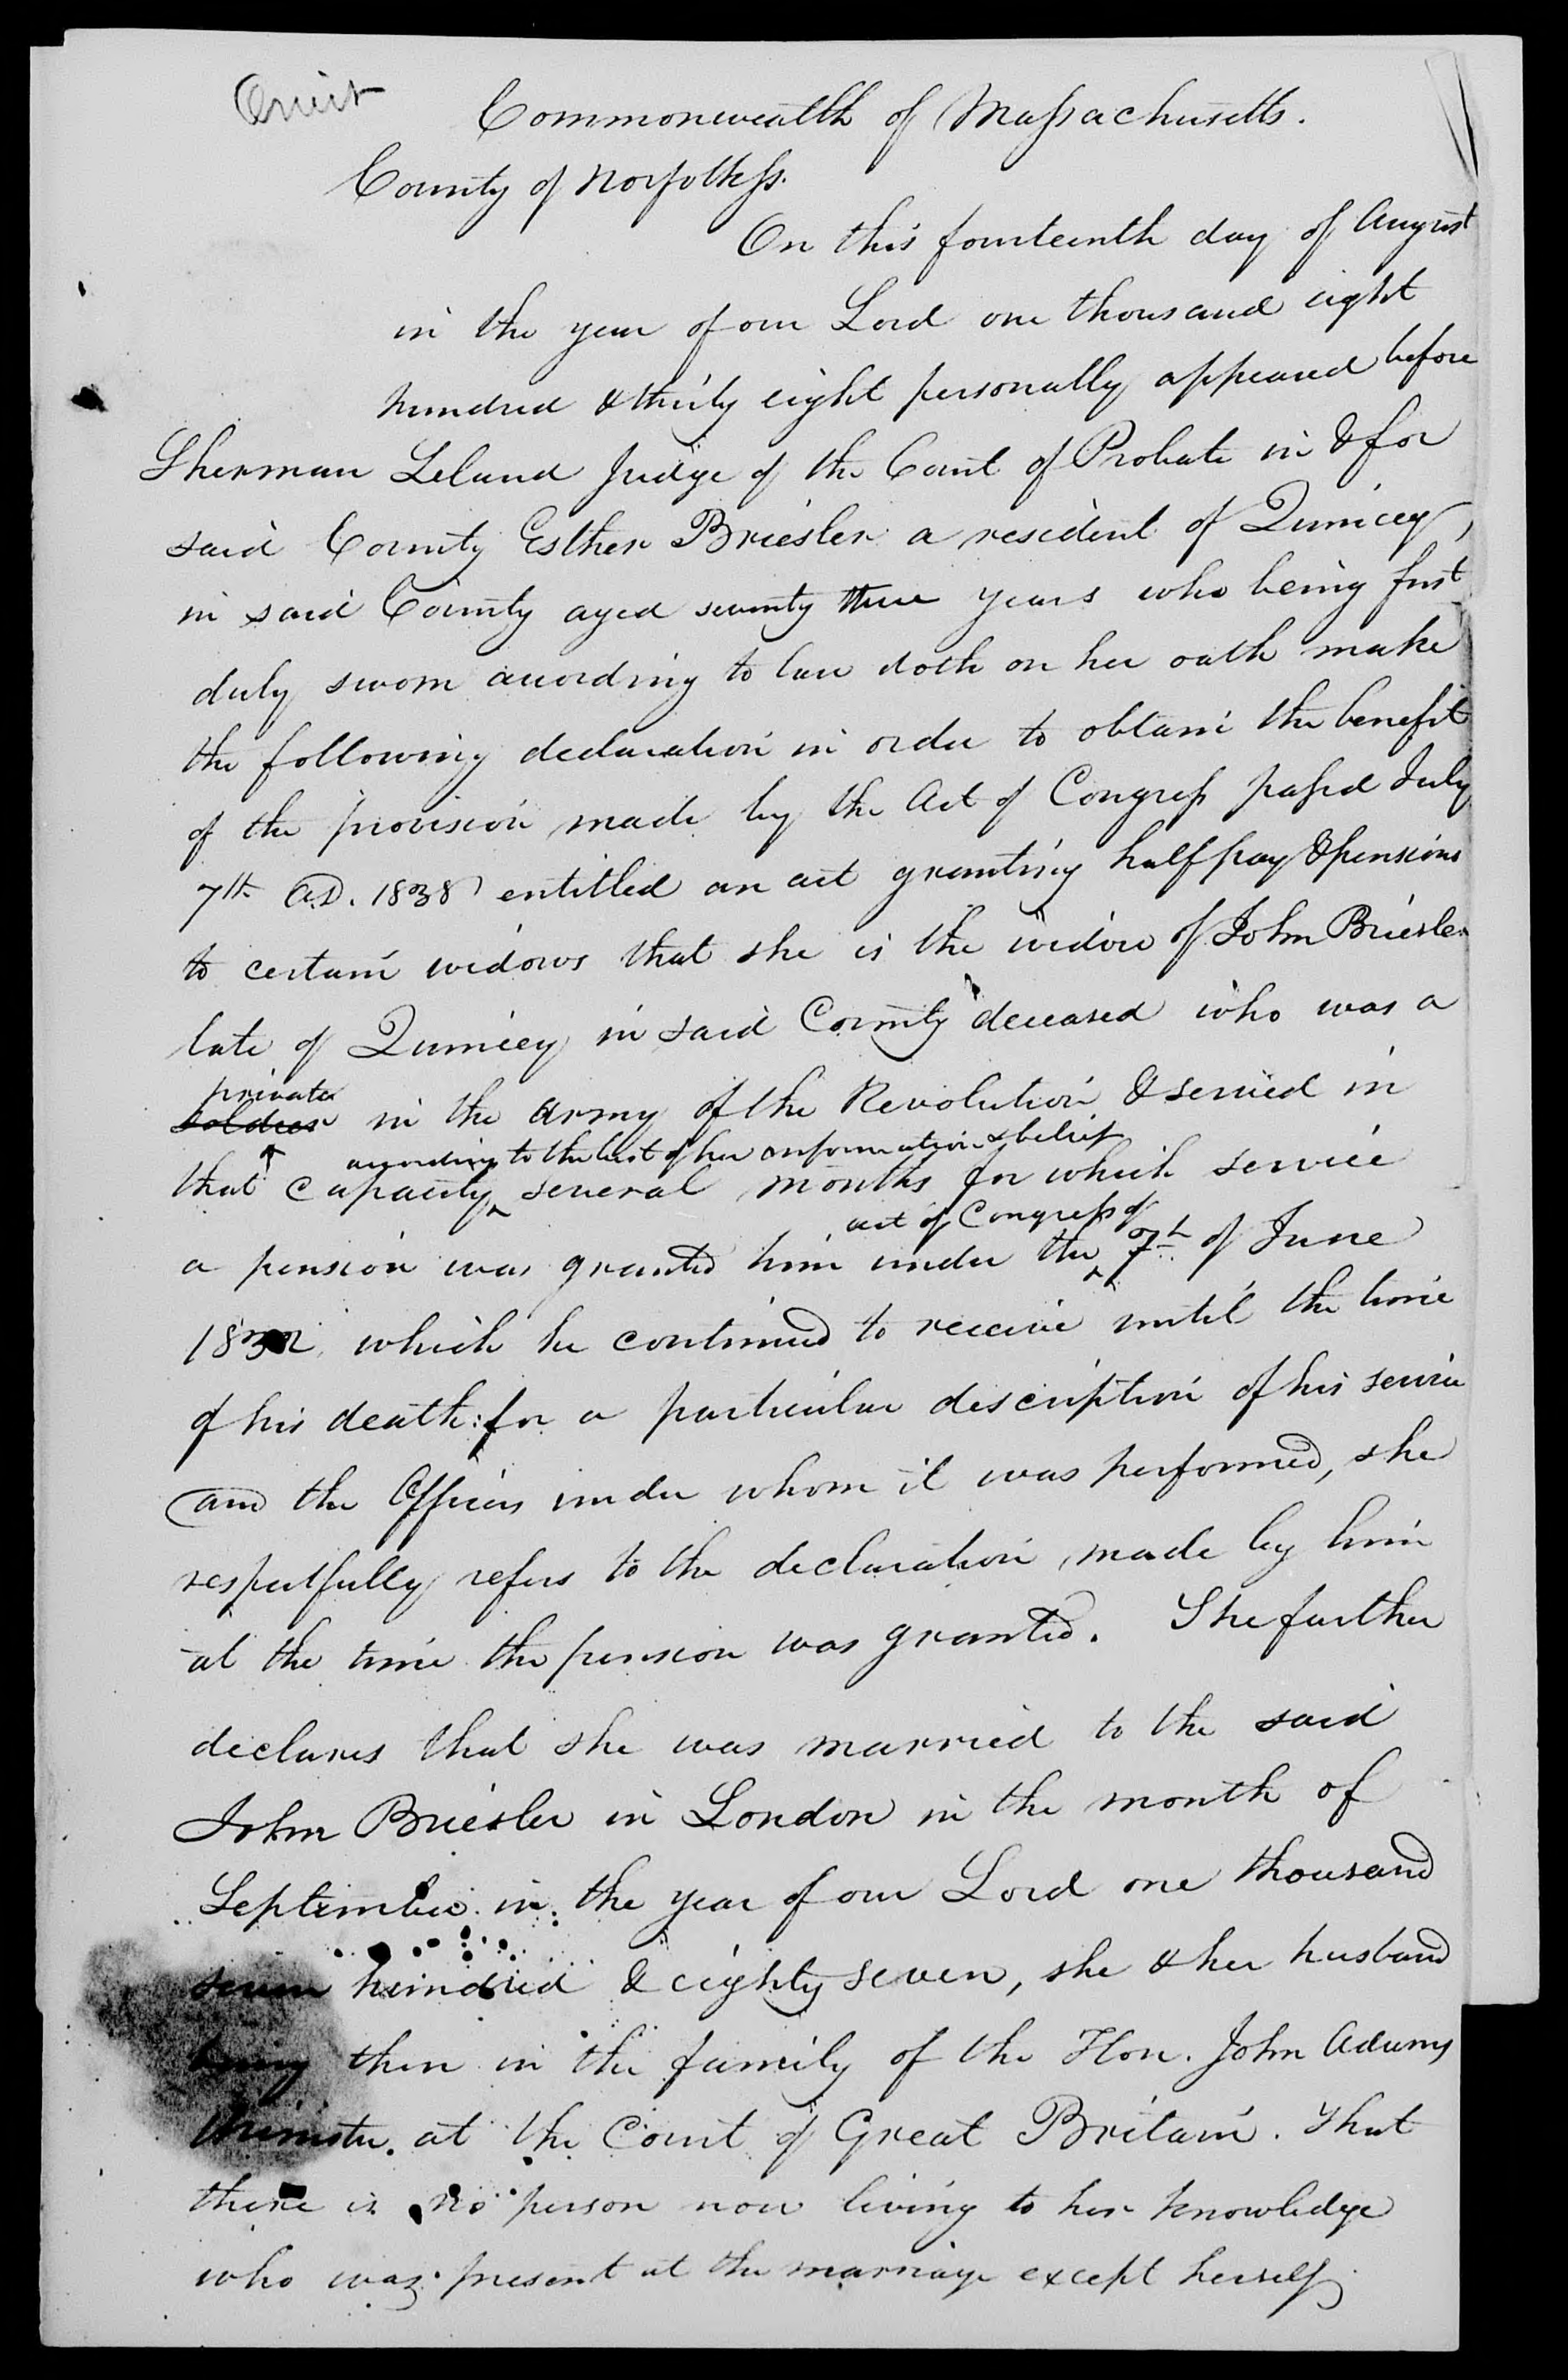[illegible] Commonwealth of Massachusetts County of Norfolk
  On this fourteenth day of August in the year of our Lord one thousand eight hundred & thirty eight personally appeared before Sherman Leland Judge of the Court of Probate in aforesaid County Esther Brisler a resident of Quincey in said County aged seventy three years who being first duly sworn according to law doth on her oath make the following declaration in order to obtain the benefit of the provision made by the Act of Congress passed July 7th a.d. 1838 entitled an act granting half pay pensions to certain widows that she is the widow of John Brisler late of Quincey in said County deceased who was a private in the army of the Revolution & served in that capacity several months for which  service a pension was granted to him under the act of June 1832  according to the best of her confirmation & belief which he continued to receive until the time of his death; for a particular description of his service and the officers under whom it was performed, and she respectfully refers to the declaration made by him at the time the pension was granted. She further declares that she was married to the said John Brisler in London in the month of September in the year of our Lord one thousand seven hundred & eighty seven, she and her husband living then in the family of the Hon John Adams  Barrister at the Court of Great Britain. That there is no person now living to her knowledge who was present at the marriage except herself.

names: John Briesler, Sherman Leland, John Adams, John Briesler, Esther Briesler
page: 6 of 46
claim: widow's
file: W. 23,673, John Brisler, Mass.